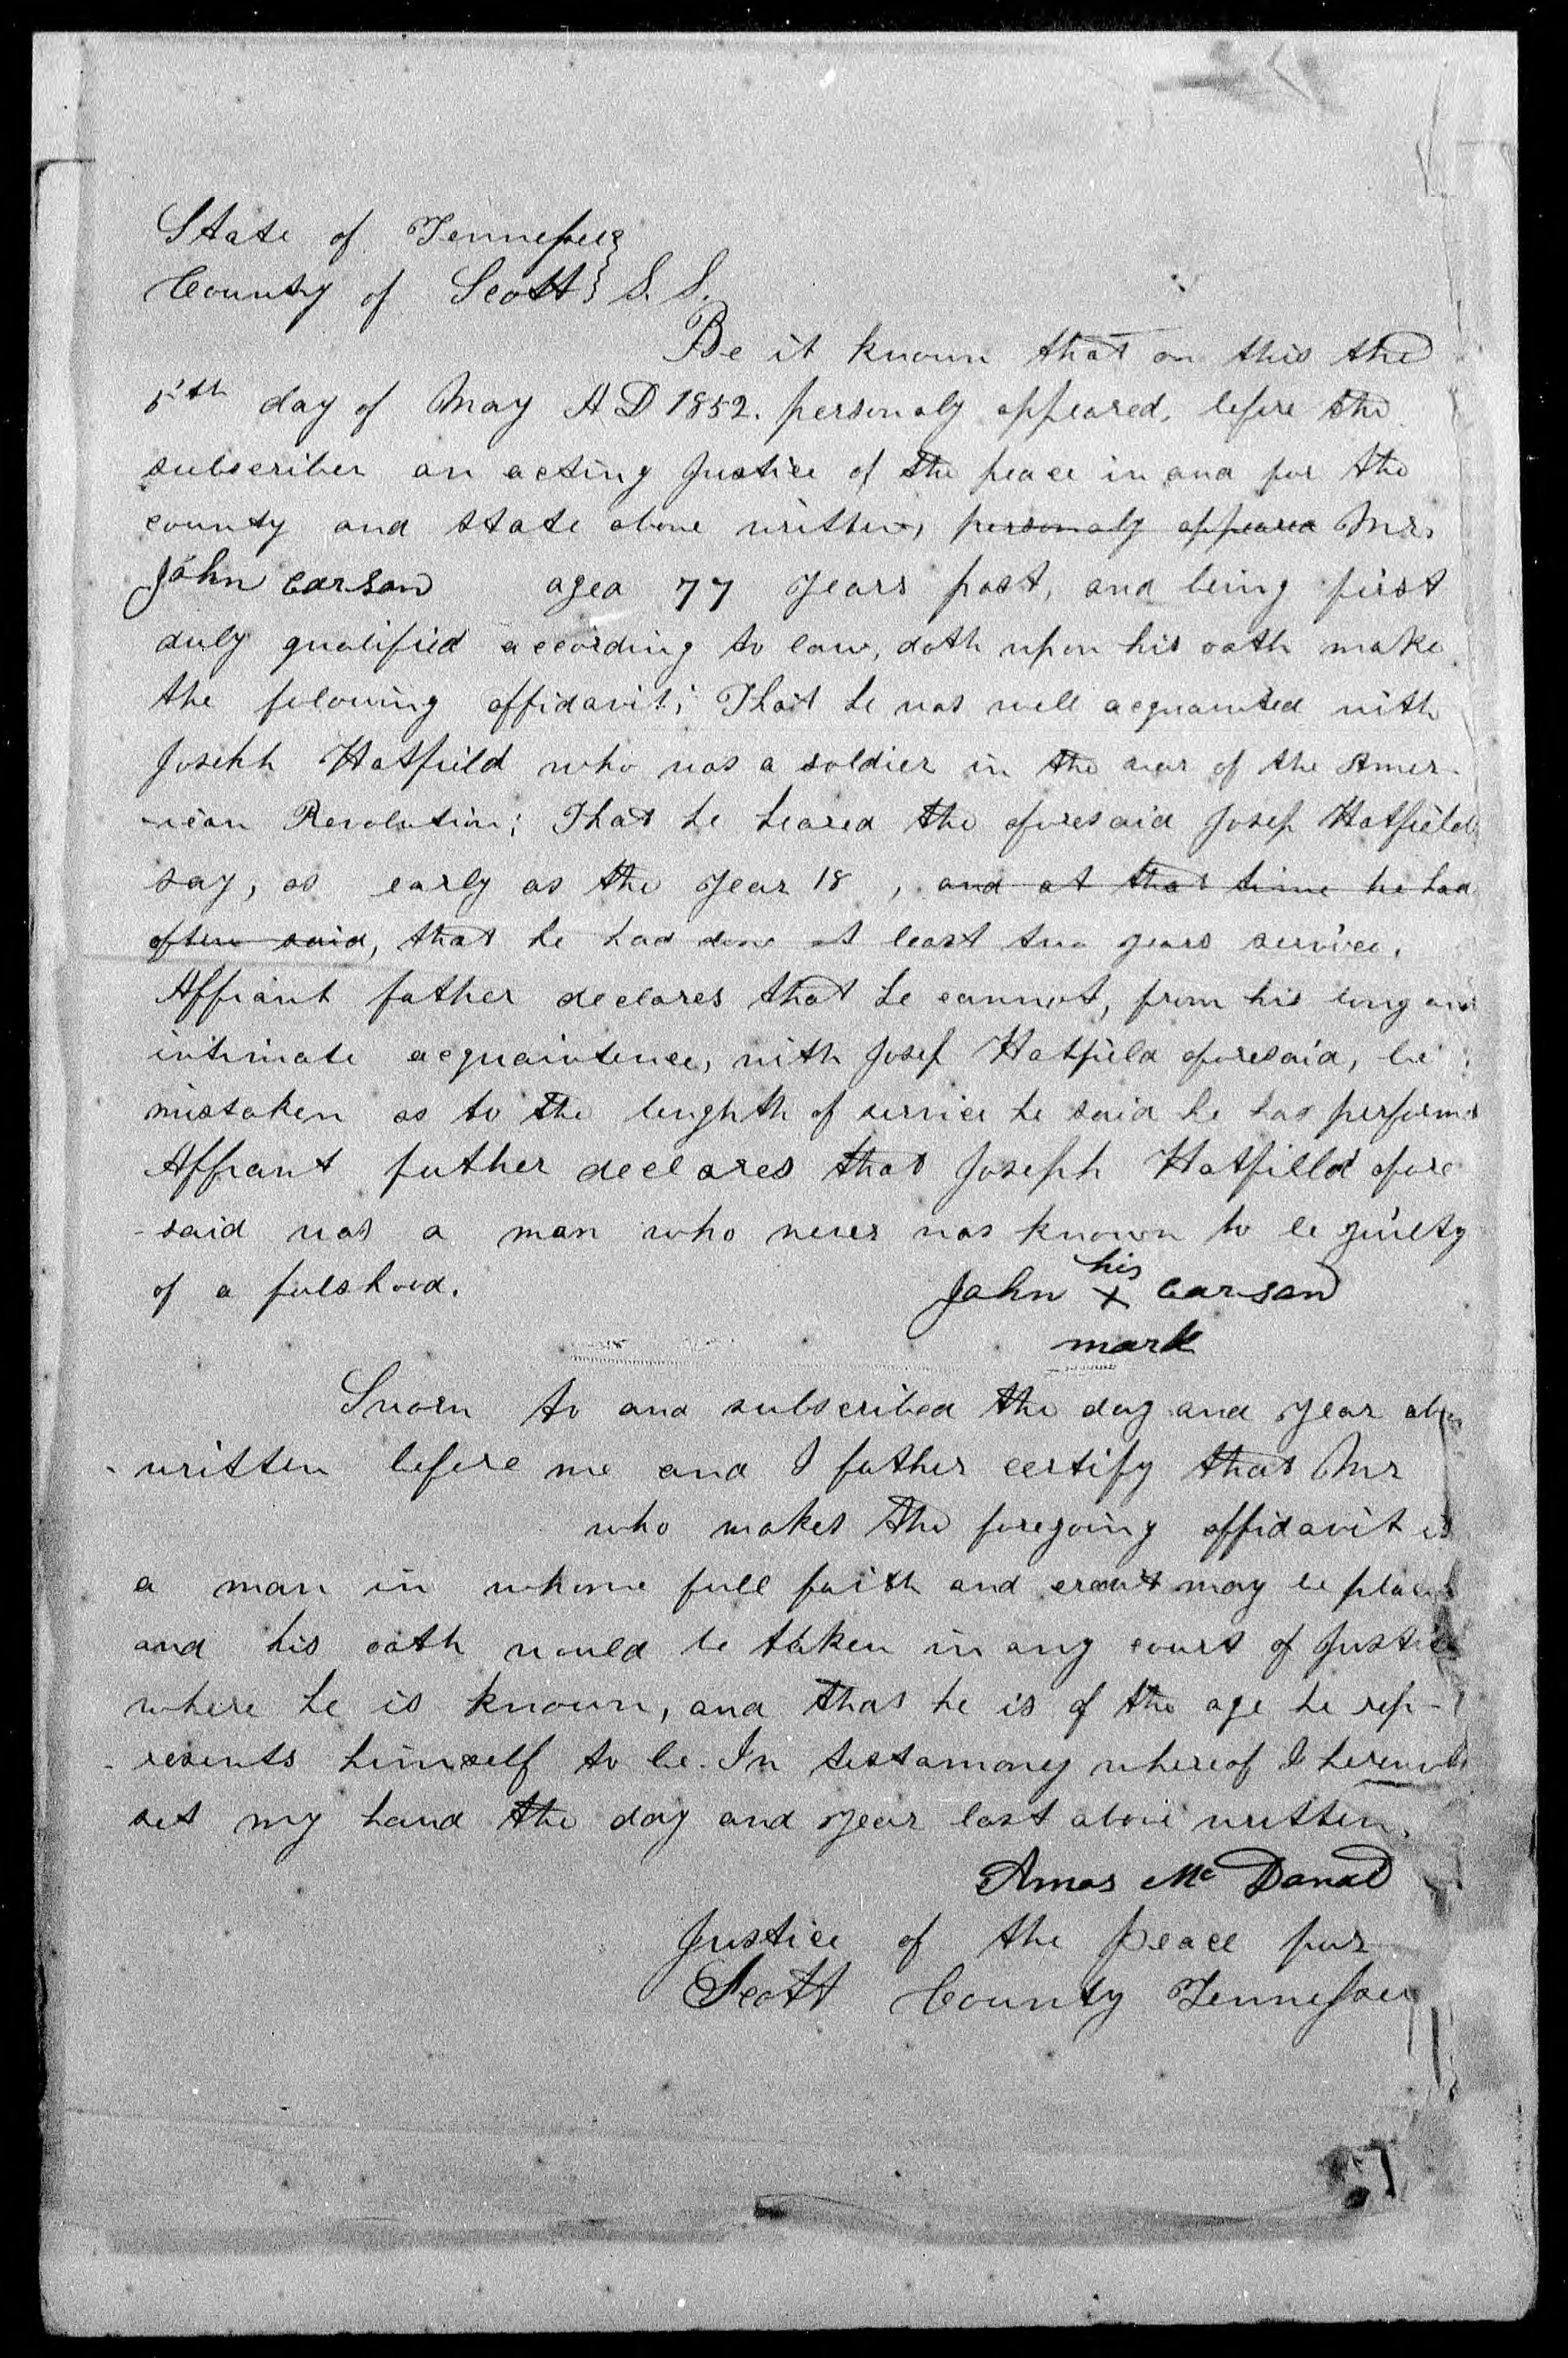State of Tennessee
County of Scott} S.S.
Be it known that on this the
5th day of May AD 1852. personally appeared before the subscriber an acting Justice of the peace in and for the county and state above written, Mrs. John Carson aged 77 years past, and being first duly qualified according to law, doth upon his oath make the following affidavit; That he was well acquainted with Joseph Hatfield who was a soldier in the war of the American Revolution; That he heard the aforesaid Joseph Hatfield say, as early as the year 18--, that he had done at least two years service.
Affiant farther declares that he cannot, from his long and intimate acquaintance with Joseph Hatfield aforesaid, be mistaken as to the length of service he said he had performed
Affiant further declares that Joseph Hatfield aforesaid was a man who never was known to be guilty of a falsehood. 
John Carson x his mark
Sworn to and subscribed the day and year above written before me and I further certify that Mr. - who makes the foregoing affidavit is a man in whom full faith and credit may be placed and his oath would be taken in any court of Justice where he is known, and that he is of the age he represents himself to be. In testimony whereof I hereunto set my hand the day and year last above written.
Amos McDonald
Justice of the Peace for
Scott County Tennessee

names: Amos Mc Donald, Joseph Hatfield, Joseph Hatfield, Josep Hatfield, John Carson, John Carson, Josep Hatfield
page: 74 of 74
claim: widow's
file: W. 5, Joseph Hatfield, Va.